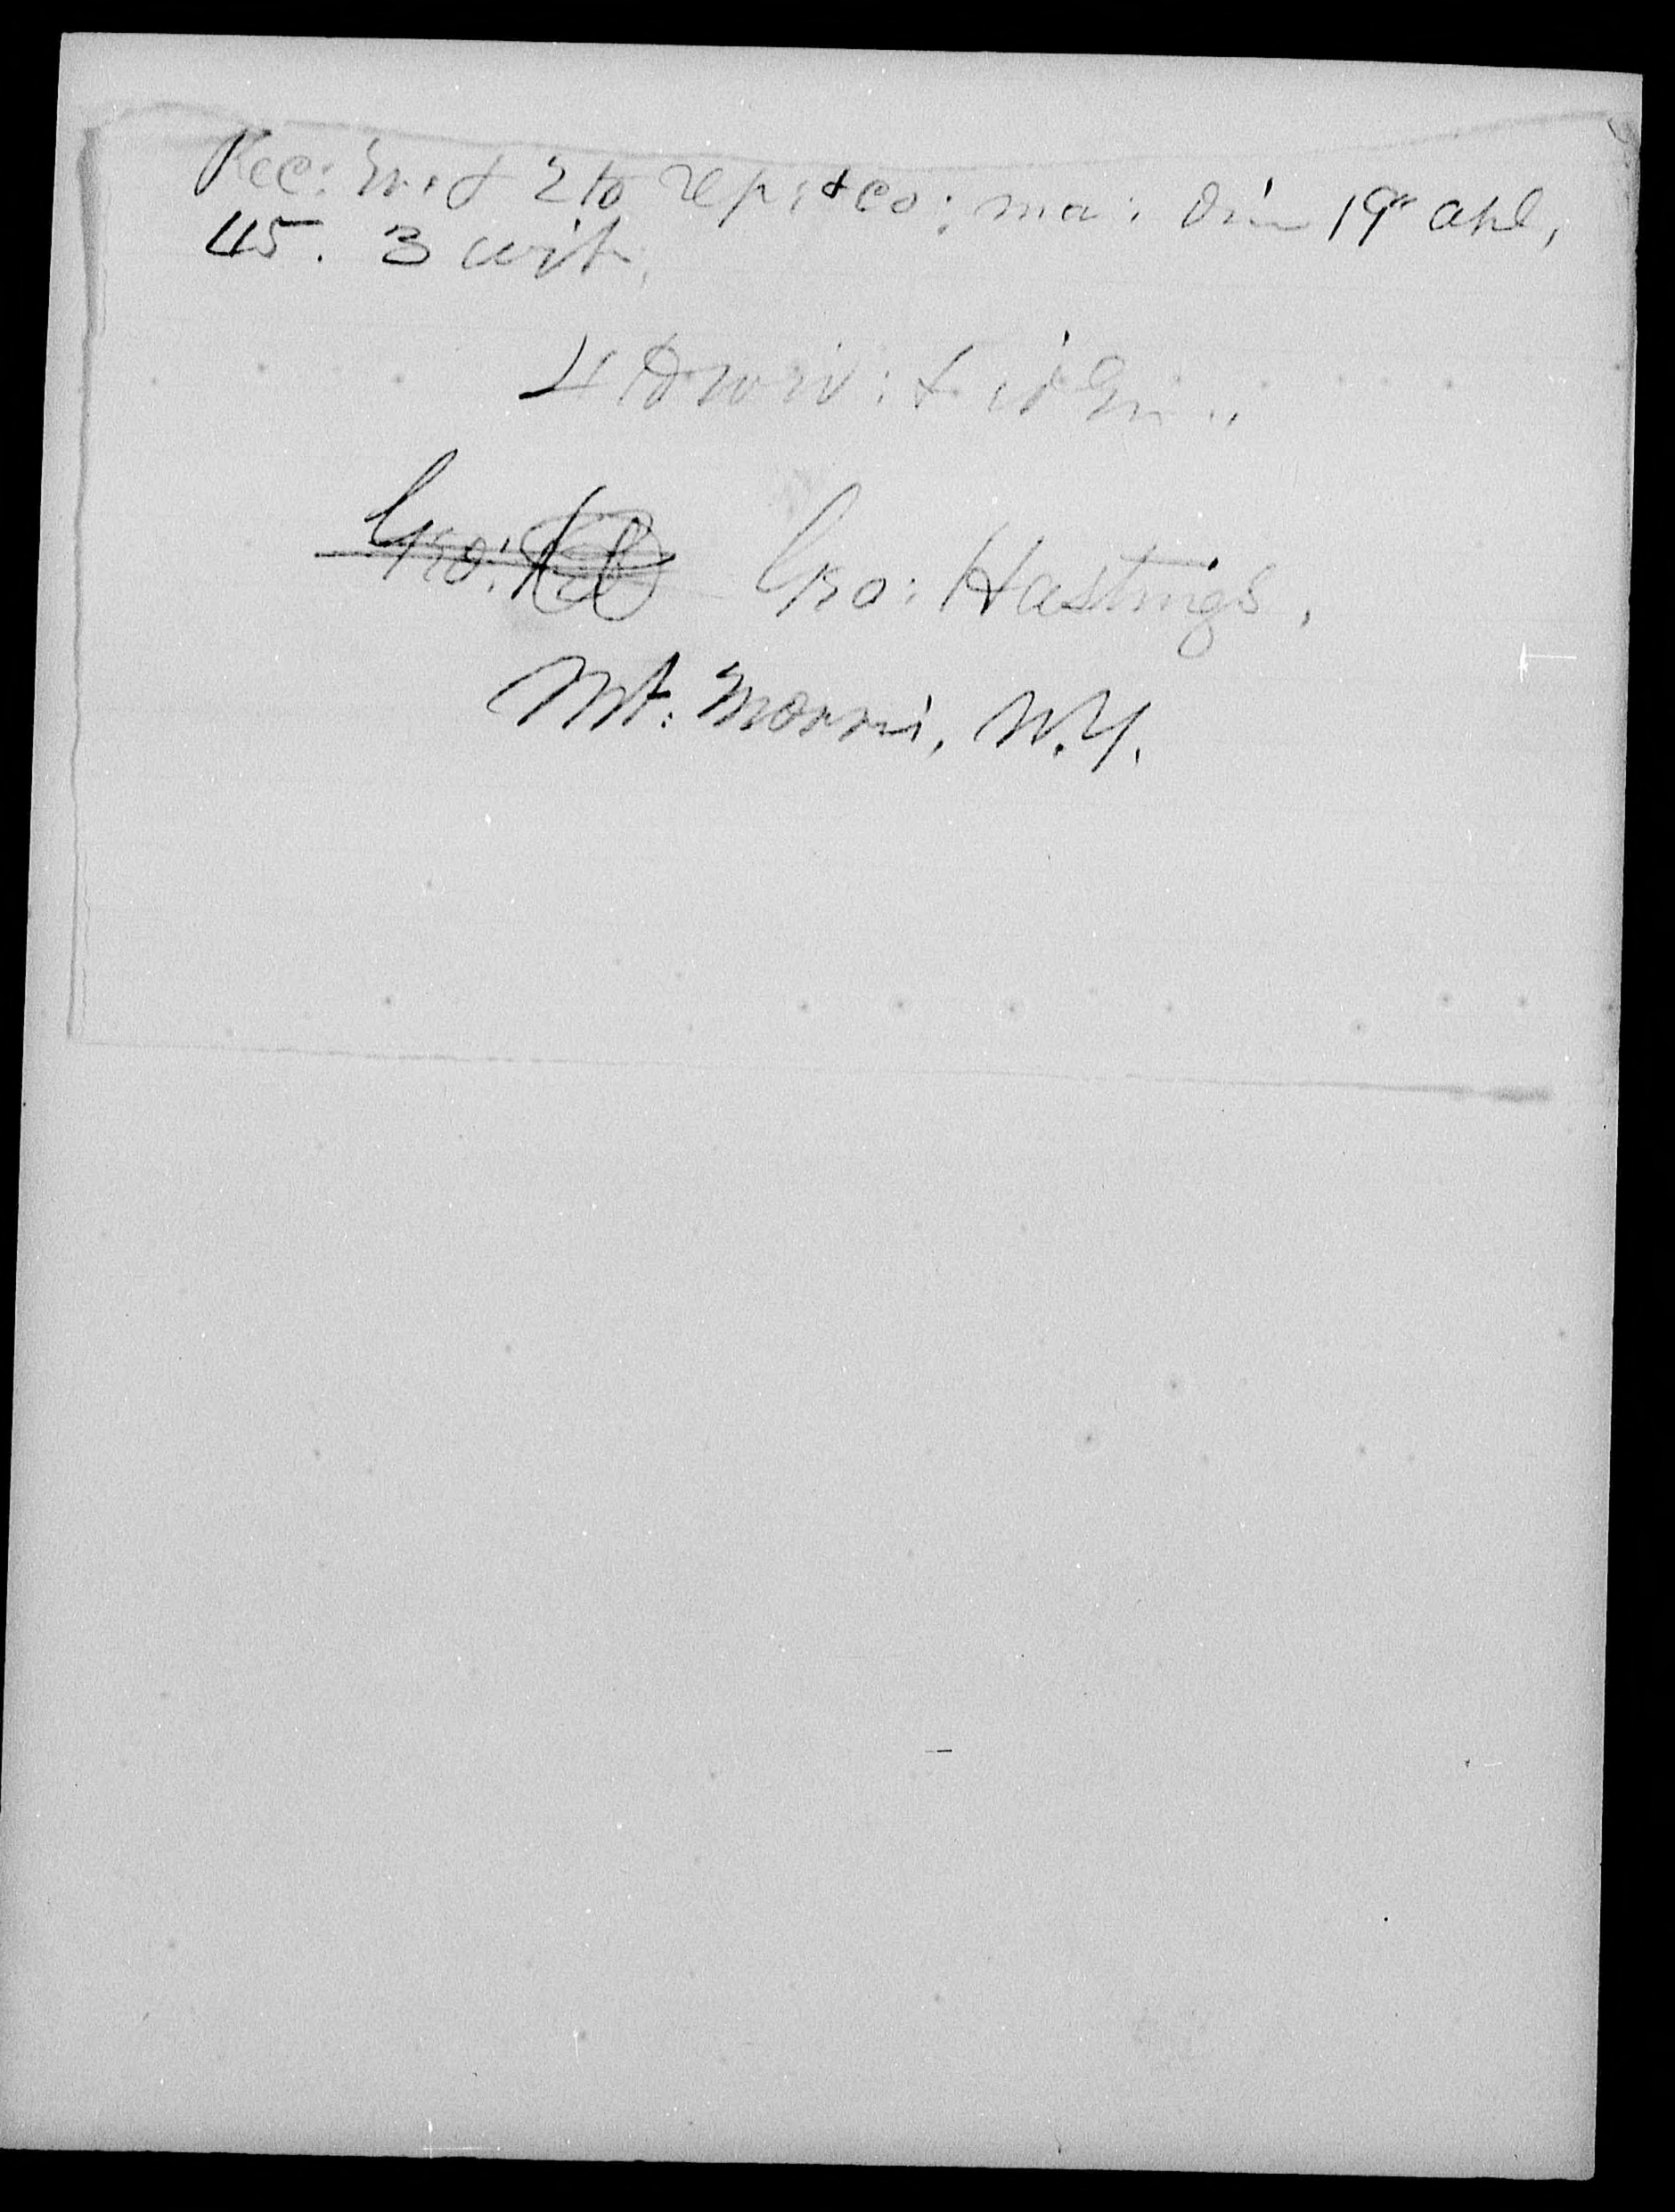Rec'd
ed to peace; many on 19th Apl.
5.3 with
Geo. Hastings,
Mt. Morris, N. Y.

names: Geo Hastings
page: 26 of 41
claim: widow's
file: W. 9819, Nathaniel Cumings, Vt.